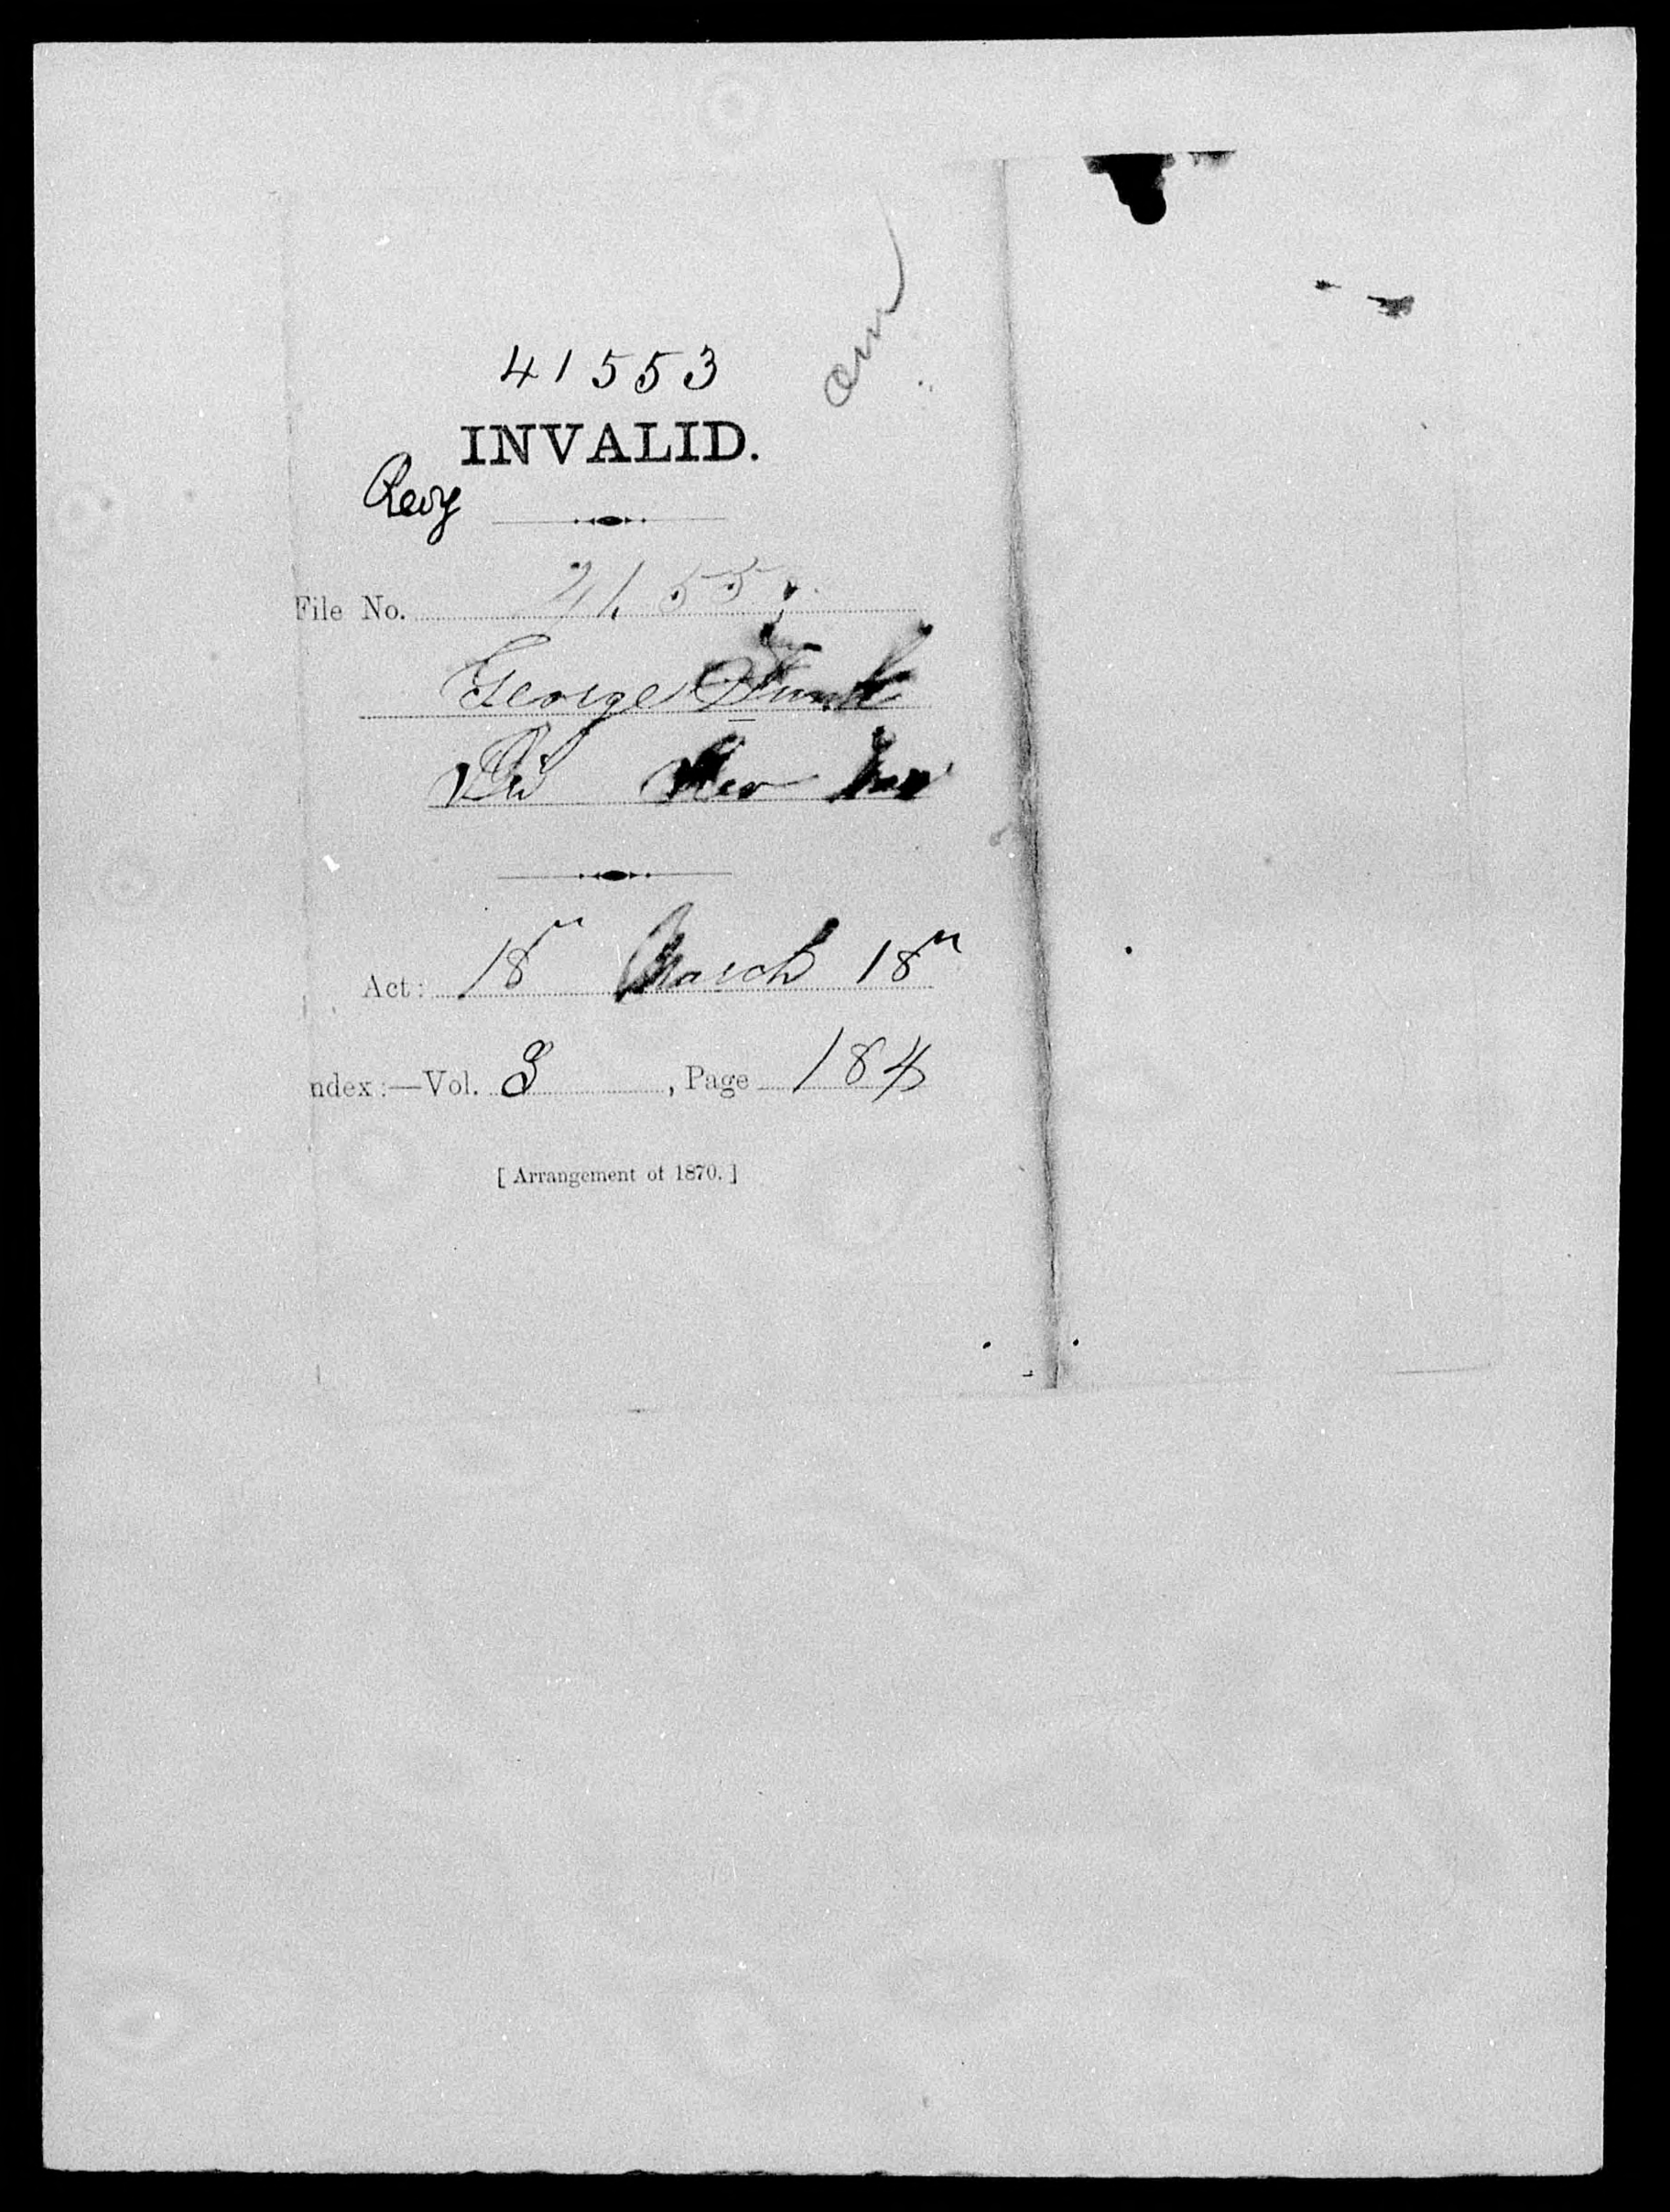41553
INVALID.
Revy
File No. 41.553
George Funk
Priv. Rev. War
Act: 18 March 1818
Index: Vol. L, Page 184
[Arrangement of 1870.]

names: George Funk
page: 3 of 11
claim: survivor's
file: S. 41553, George Funk, Continental (German Regiment)